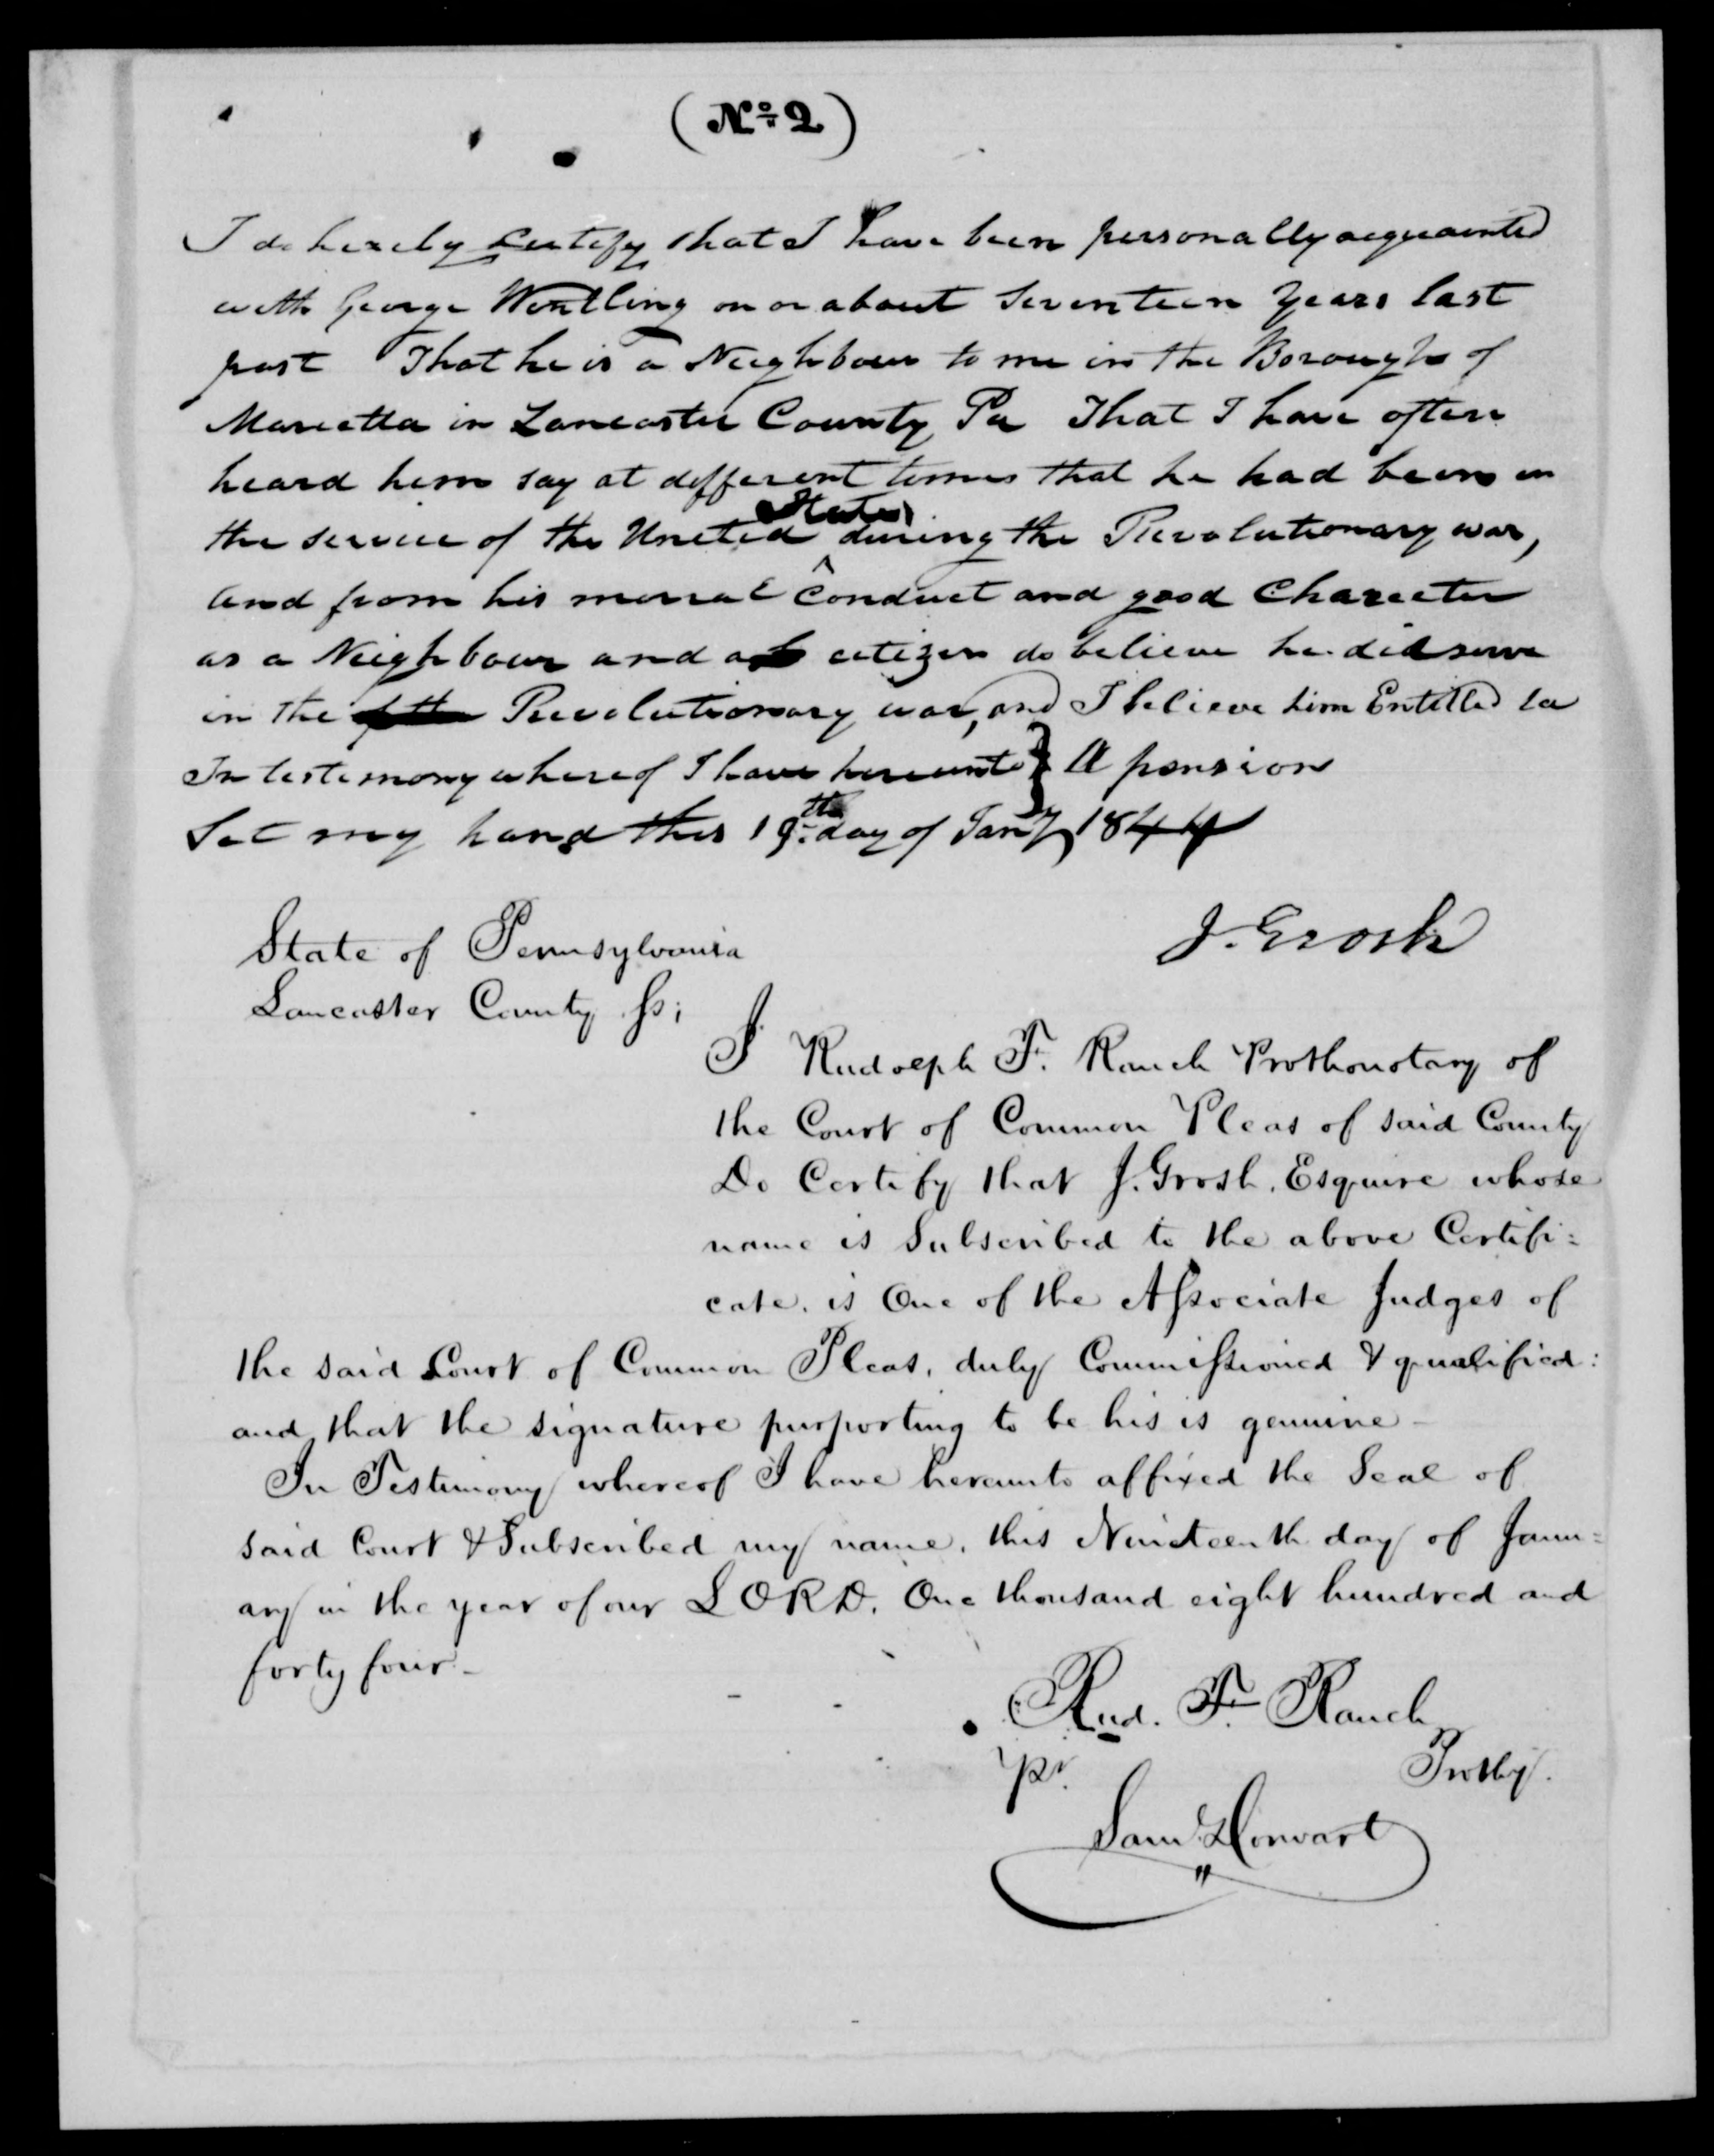(No 2)
I do hereby certify that I have been personally acquainted with
George Wentling on or about seventeen years last
past. That he is a Neighbor to me in the Borough of
Marietta in Lancaster County Pa. That I have often
heard him say at different times that he had been in
the service of the United States during the Revolutionary war,
and from his moral conduct and good character
as a Neighbour and a citizen do believe he did serve
in the Revolutionary war, and I believe him Entitled to
a pension.
In testimony whereof I have hereunto  set my hand this 19th day of Jany 1844
J. Grosh

State of Pennsylvania Lancaster County ss
I Rudolph F. Rauch Prothonotary of
the Court of Common Pleas of said County
Do Certify that J. Grosh Esquire whose
name is subscribed to the above certificate is one of the Associate Judges of the said Court of Common Pleas, duly Commissioned & qualified: and that the signature purporting to be his is genuine.
In Testimony whereof I have hereunto affixed the Seal of
said Court & Subscribed my name this Nineteenth day of January in the year of our LORD One thousand eight hundred and forty four-
R. F. Rauch Prothy
pr Sam’l Donwart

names: J Erosh, Saml Dorwart, George Wentling, Rudolph F Rauch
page: 54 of 68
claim: survivor's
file: S. 6,358, George Wentling, Penn.